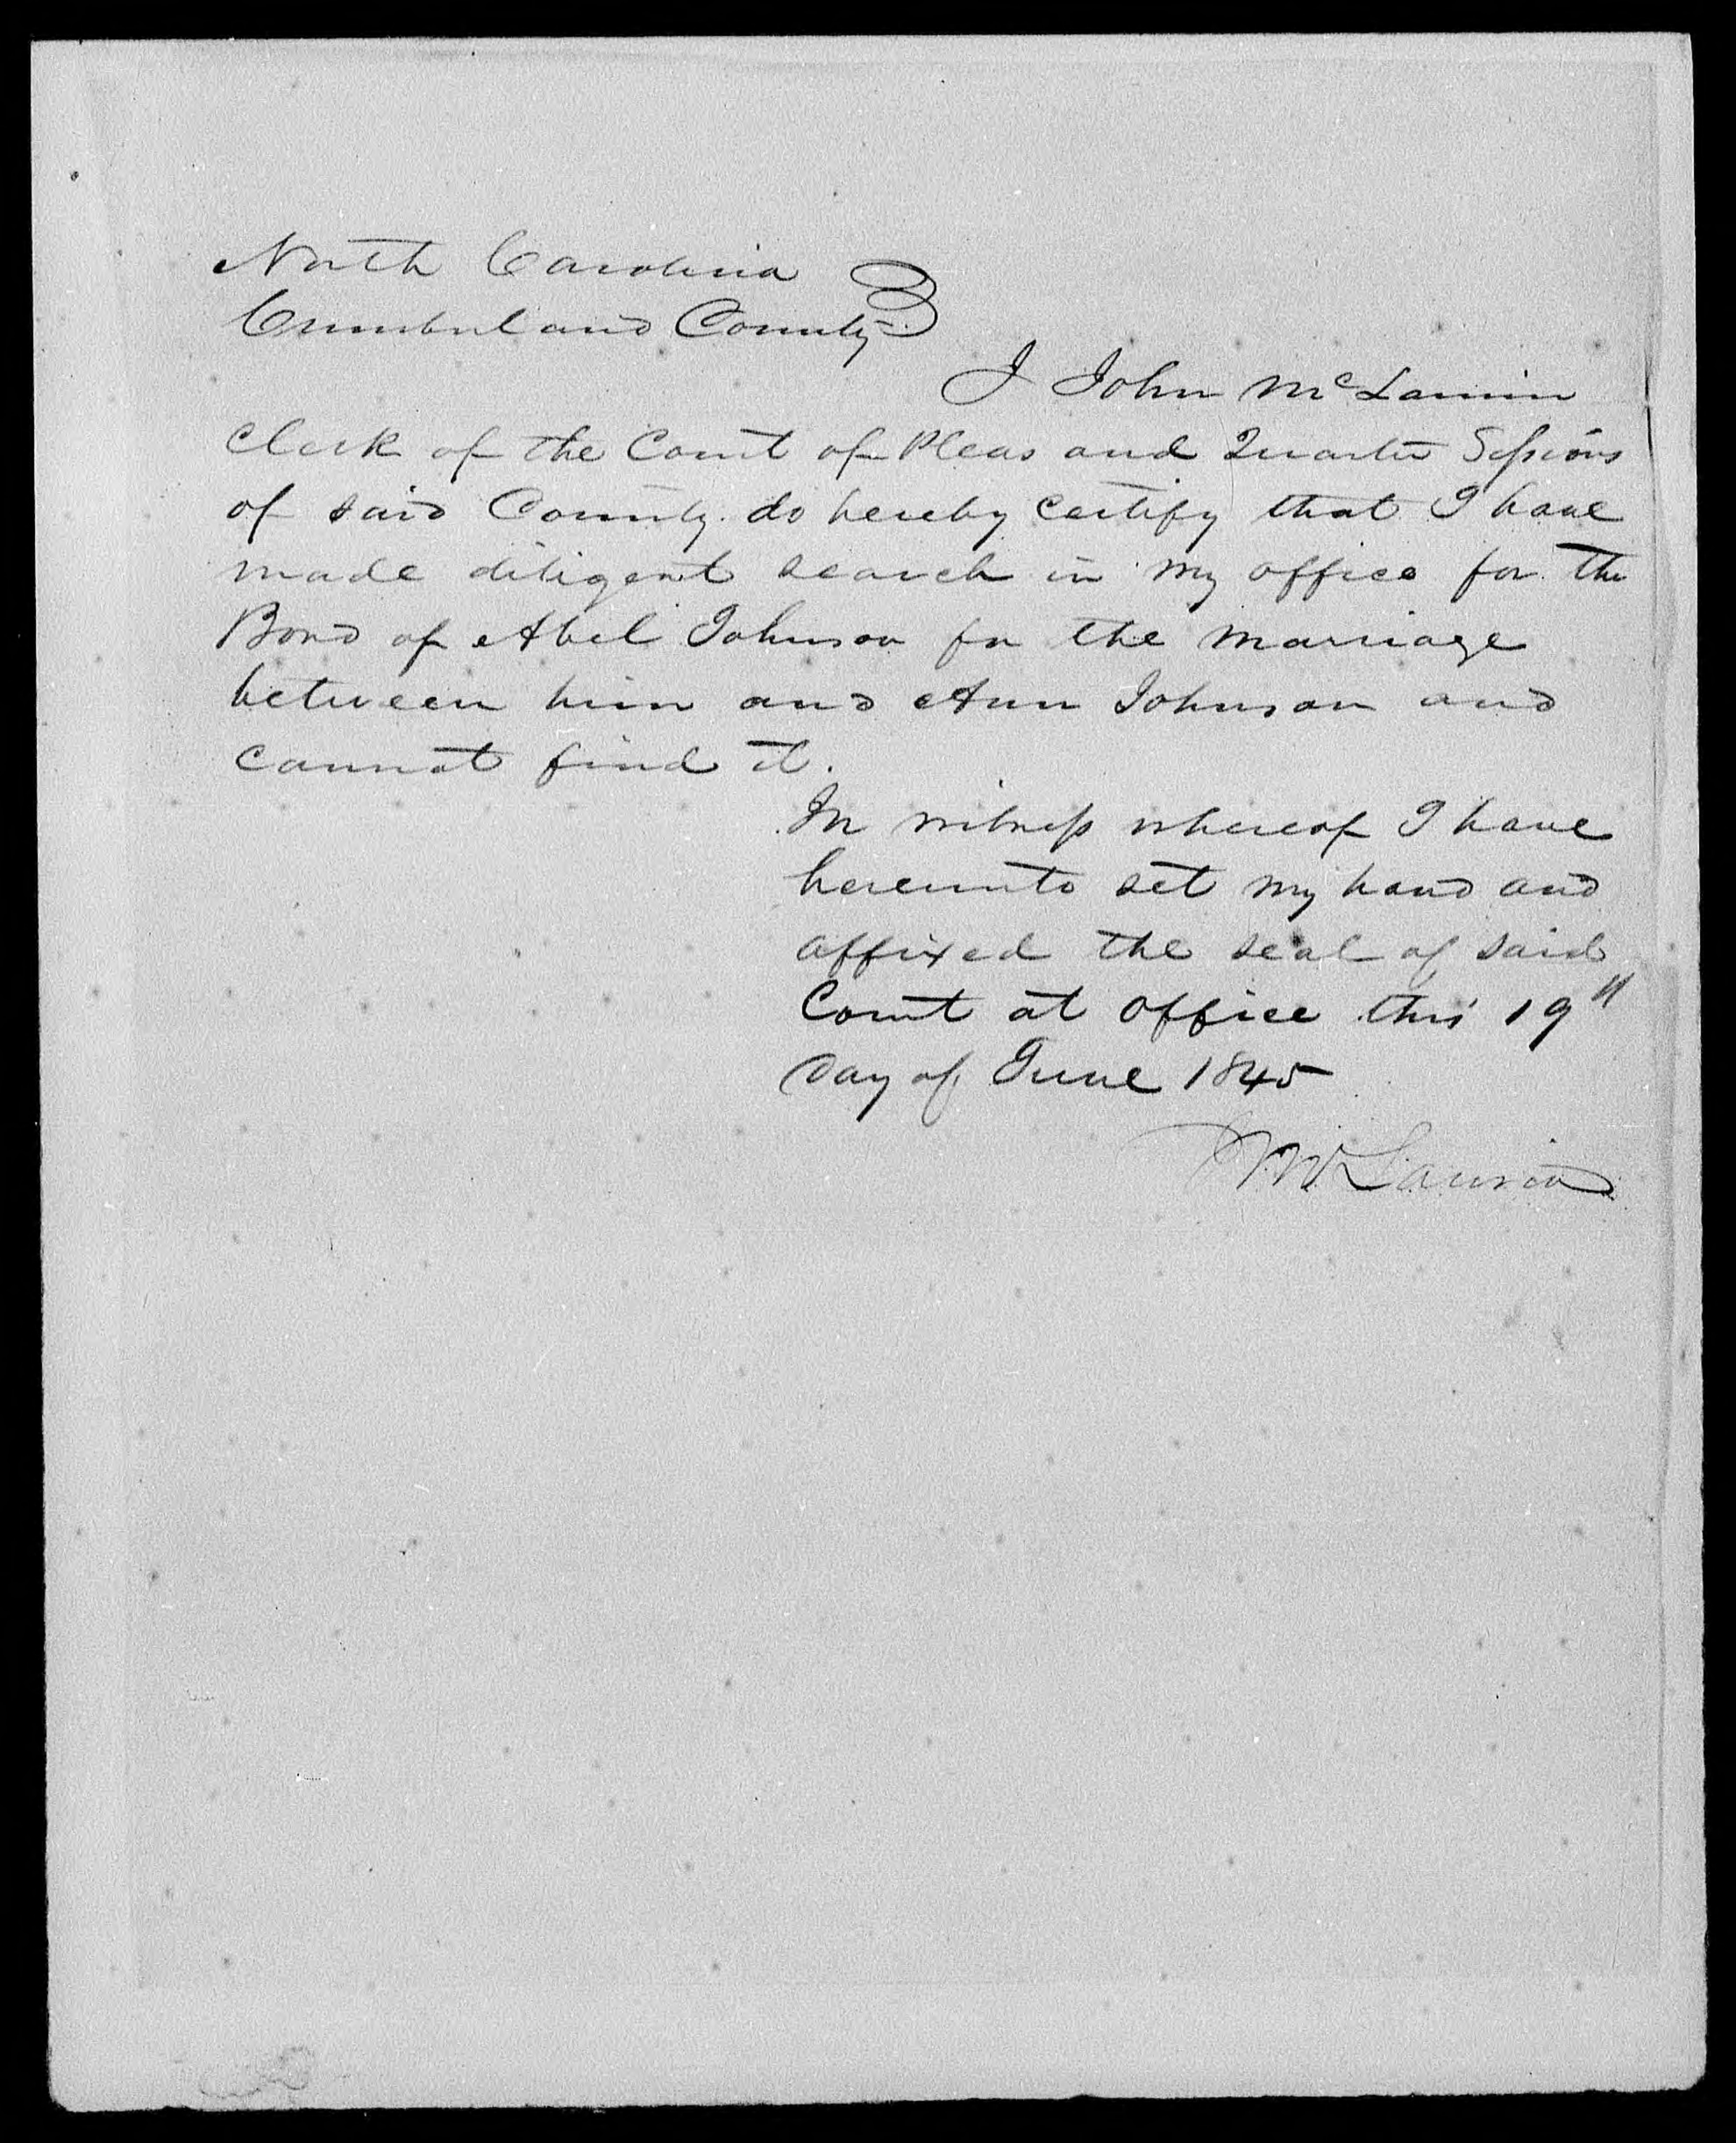North Carolina 
Cumberland County
I, John McLennon, Clerk of the Court of Pleas and Quarter Sessions of said County do hereby certify that I have made diligent search in my office for the bond of Abel Johnson for the marriage between him and Ann Johnson and cannot find it.
In witness thereof I have hereunto set my hand and affixed the seal of said Court of Office this 19th day of June 1845.
J. McLennon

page: 57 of 74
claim: rejected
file: R. 5600, for Abel Johnson, North Carolina